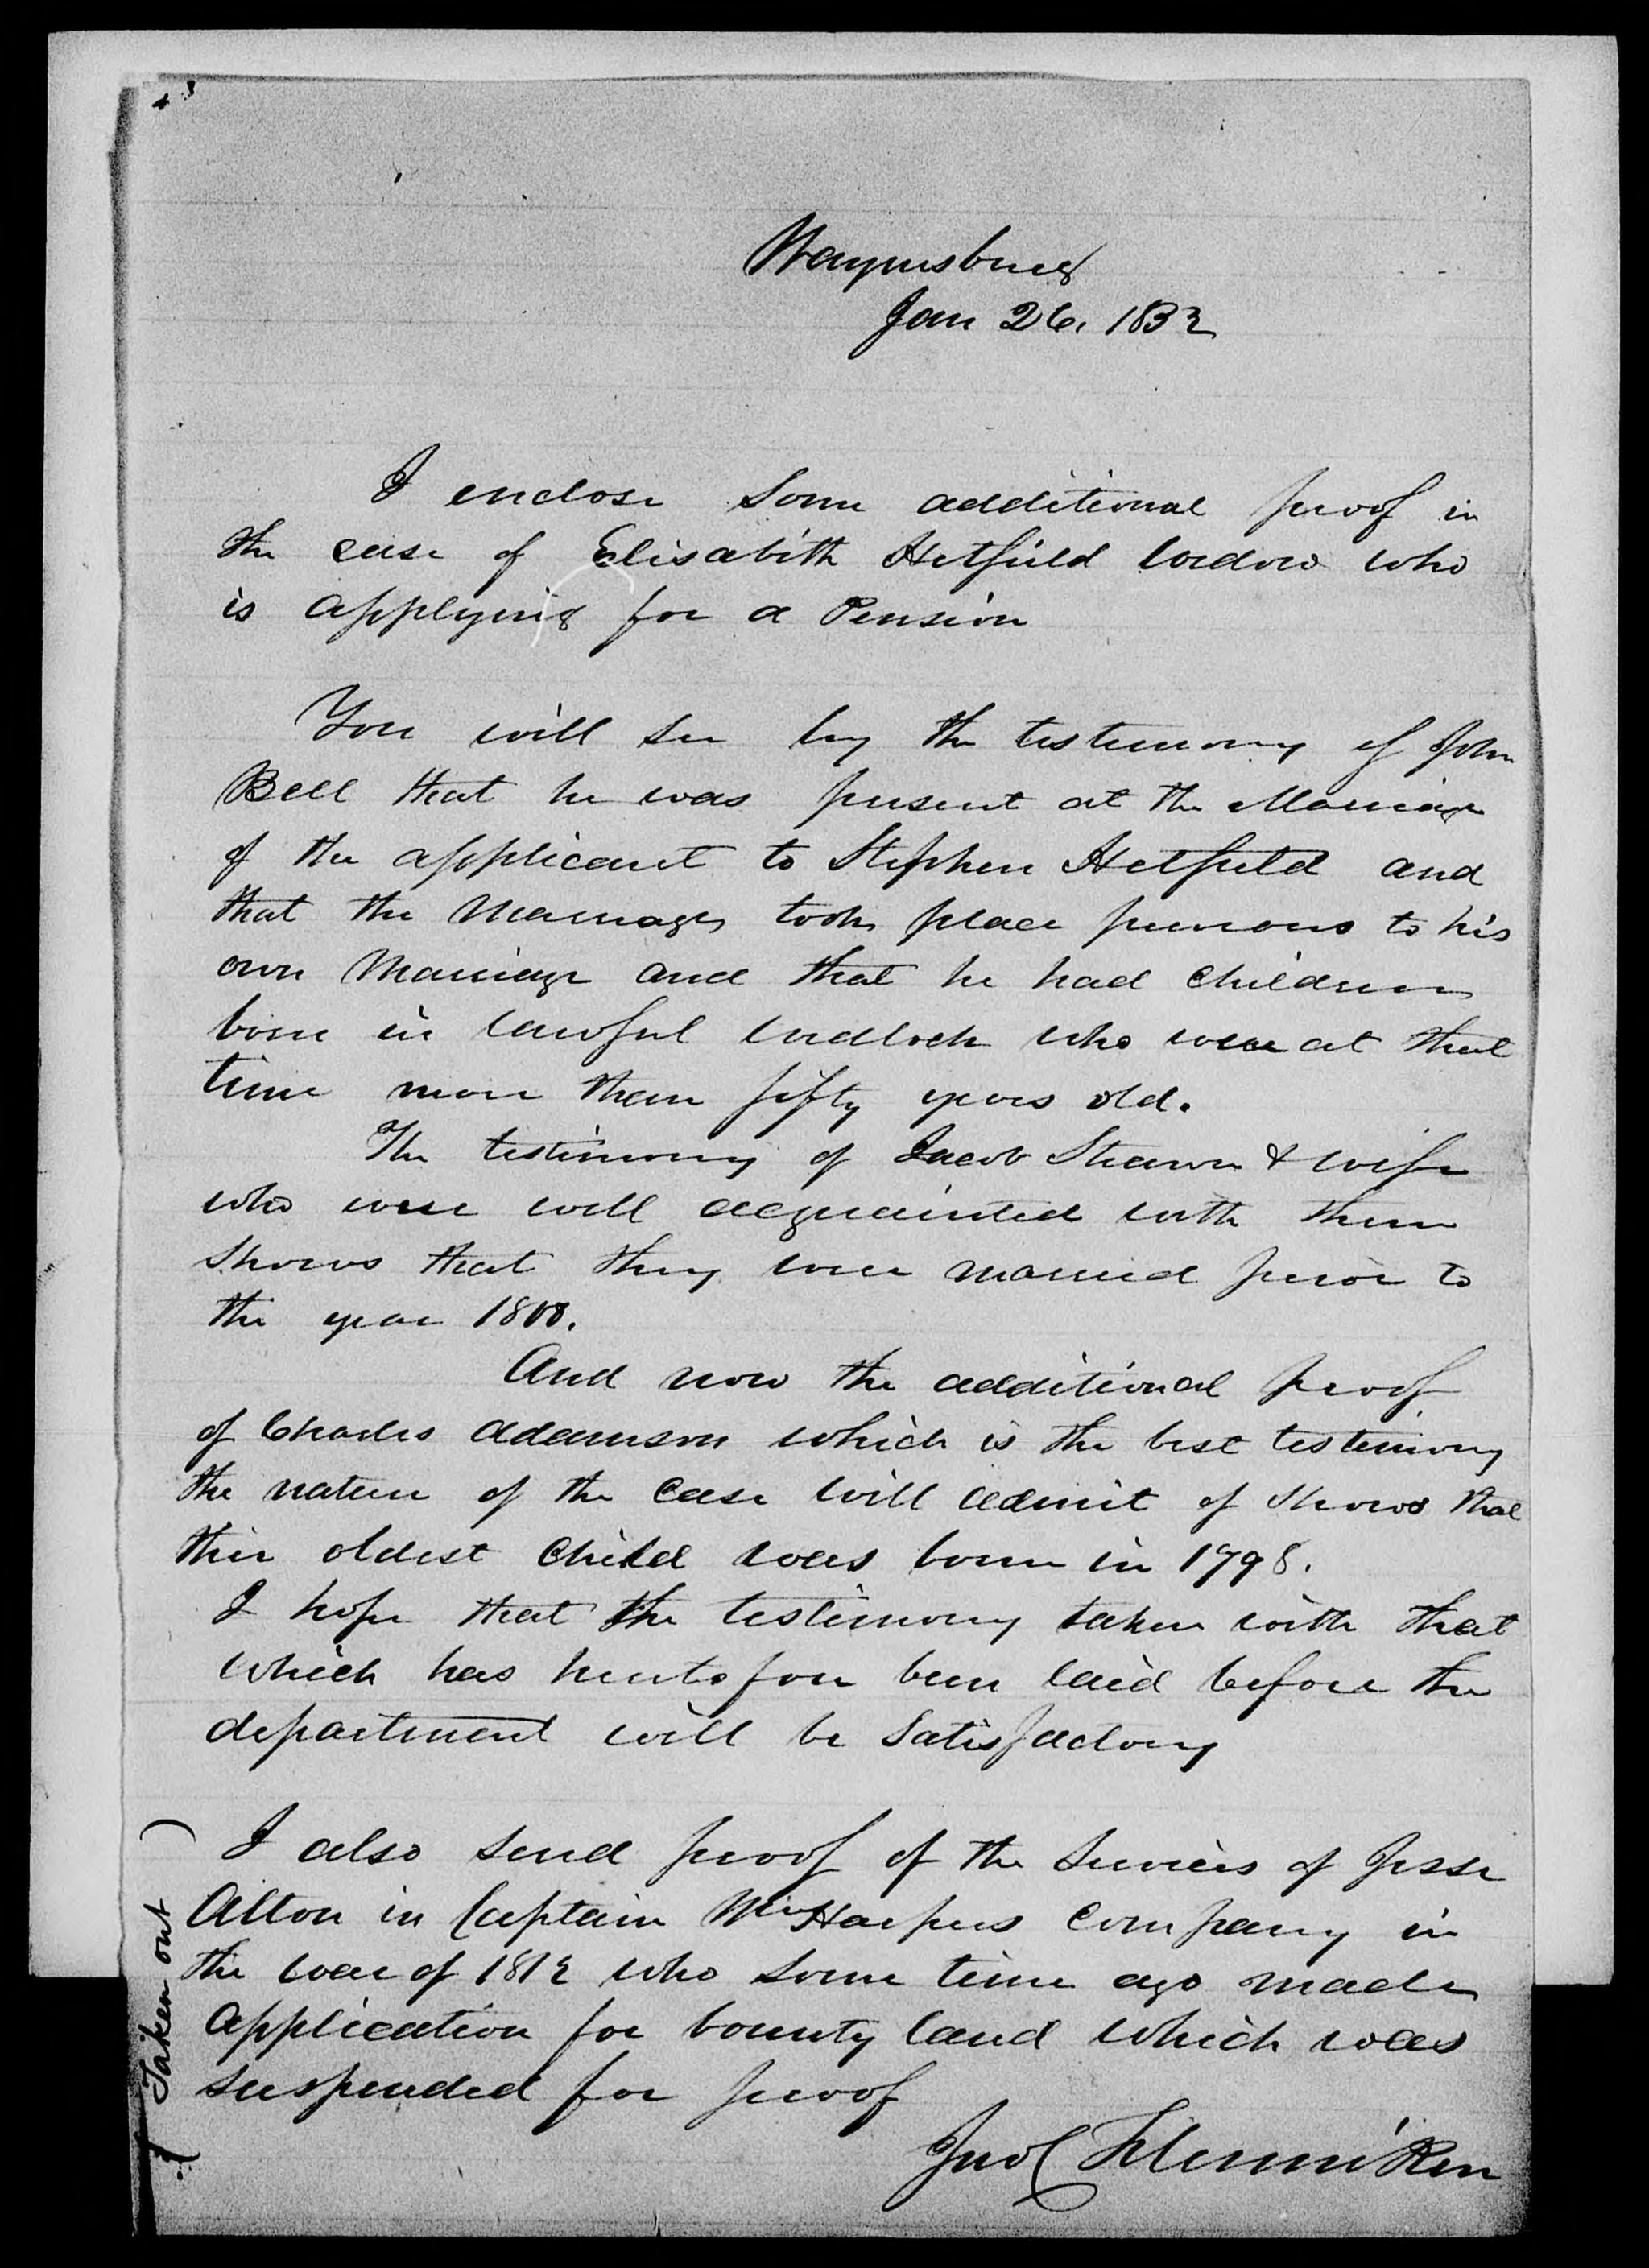Waynesburg
Jan 26 1852
I enclose Some additional proof in
the case of Elisabith Hetfield widow who
is applying for a Pension
You will see by the testimony of John
Bell that he was present at the Marriage
of the applicant to Stephen Hetfield and
that the Marriage took place previous to his
own Marriage and that he had children
born in lawful wedlock who were at that
time more than fifty years old.
The testimony of Jacob Strawn & wife
who were well accquainted with them
shows that they were married prior to
the year 1800
And now the additional proof
of Charles Adamson which is the best testimony
the nature of the case will admit of shows that 
this oldest child was born in 1798
I hope that the testimony taken with that
which has heretofore been laid before the 
department will be Satisfactory
[The following paragraph was marked on the side of the
page as "Taken out".]
I also send proof of the Services of Jesse
Alton in Captain Wm Harpers company in
the War of 1812 who some time ago made
application for bounty land which was
suspended for proof [End of piece marked "Taken out".]

Jno C Flenniken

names: Stephen Hetfield, Jno C Flenniken, John Bell, Charles Adamson, Elisabeth Hetfield, Jesse Alton, Jacob Strawn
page: 41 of 45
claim: widow's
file: W. 2734, Stephen Hetfield, New Jersey